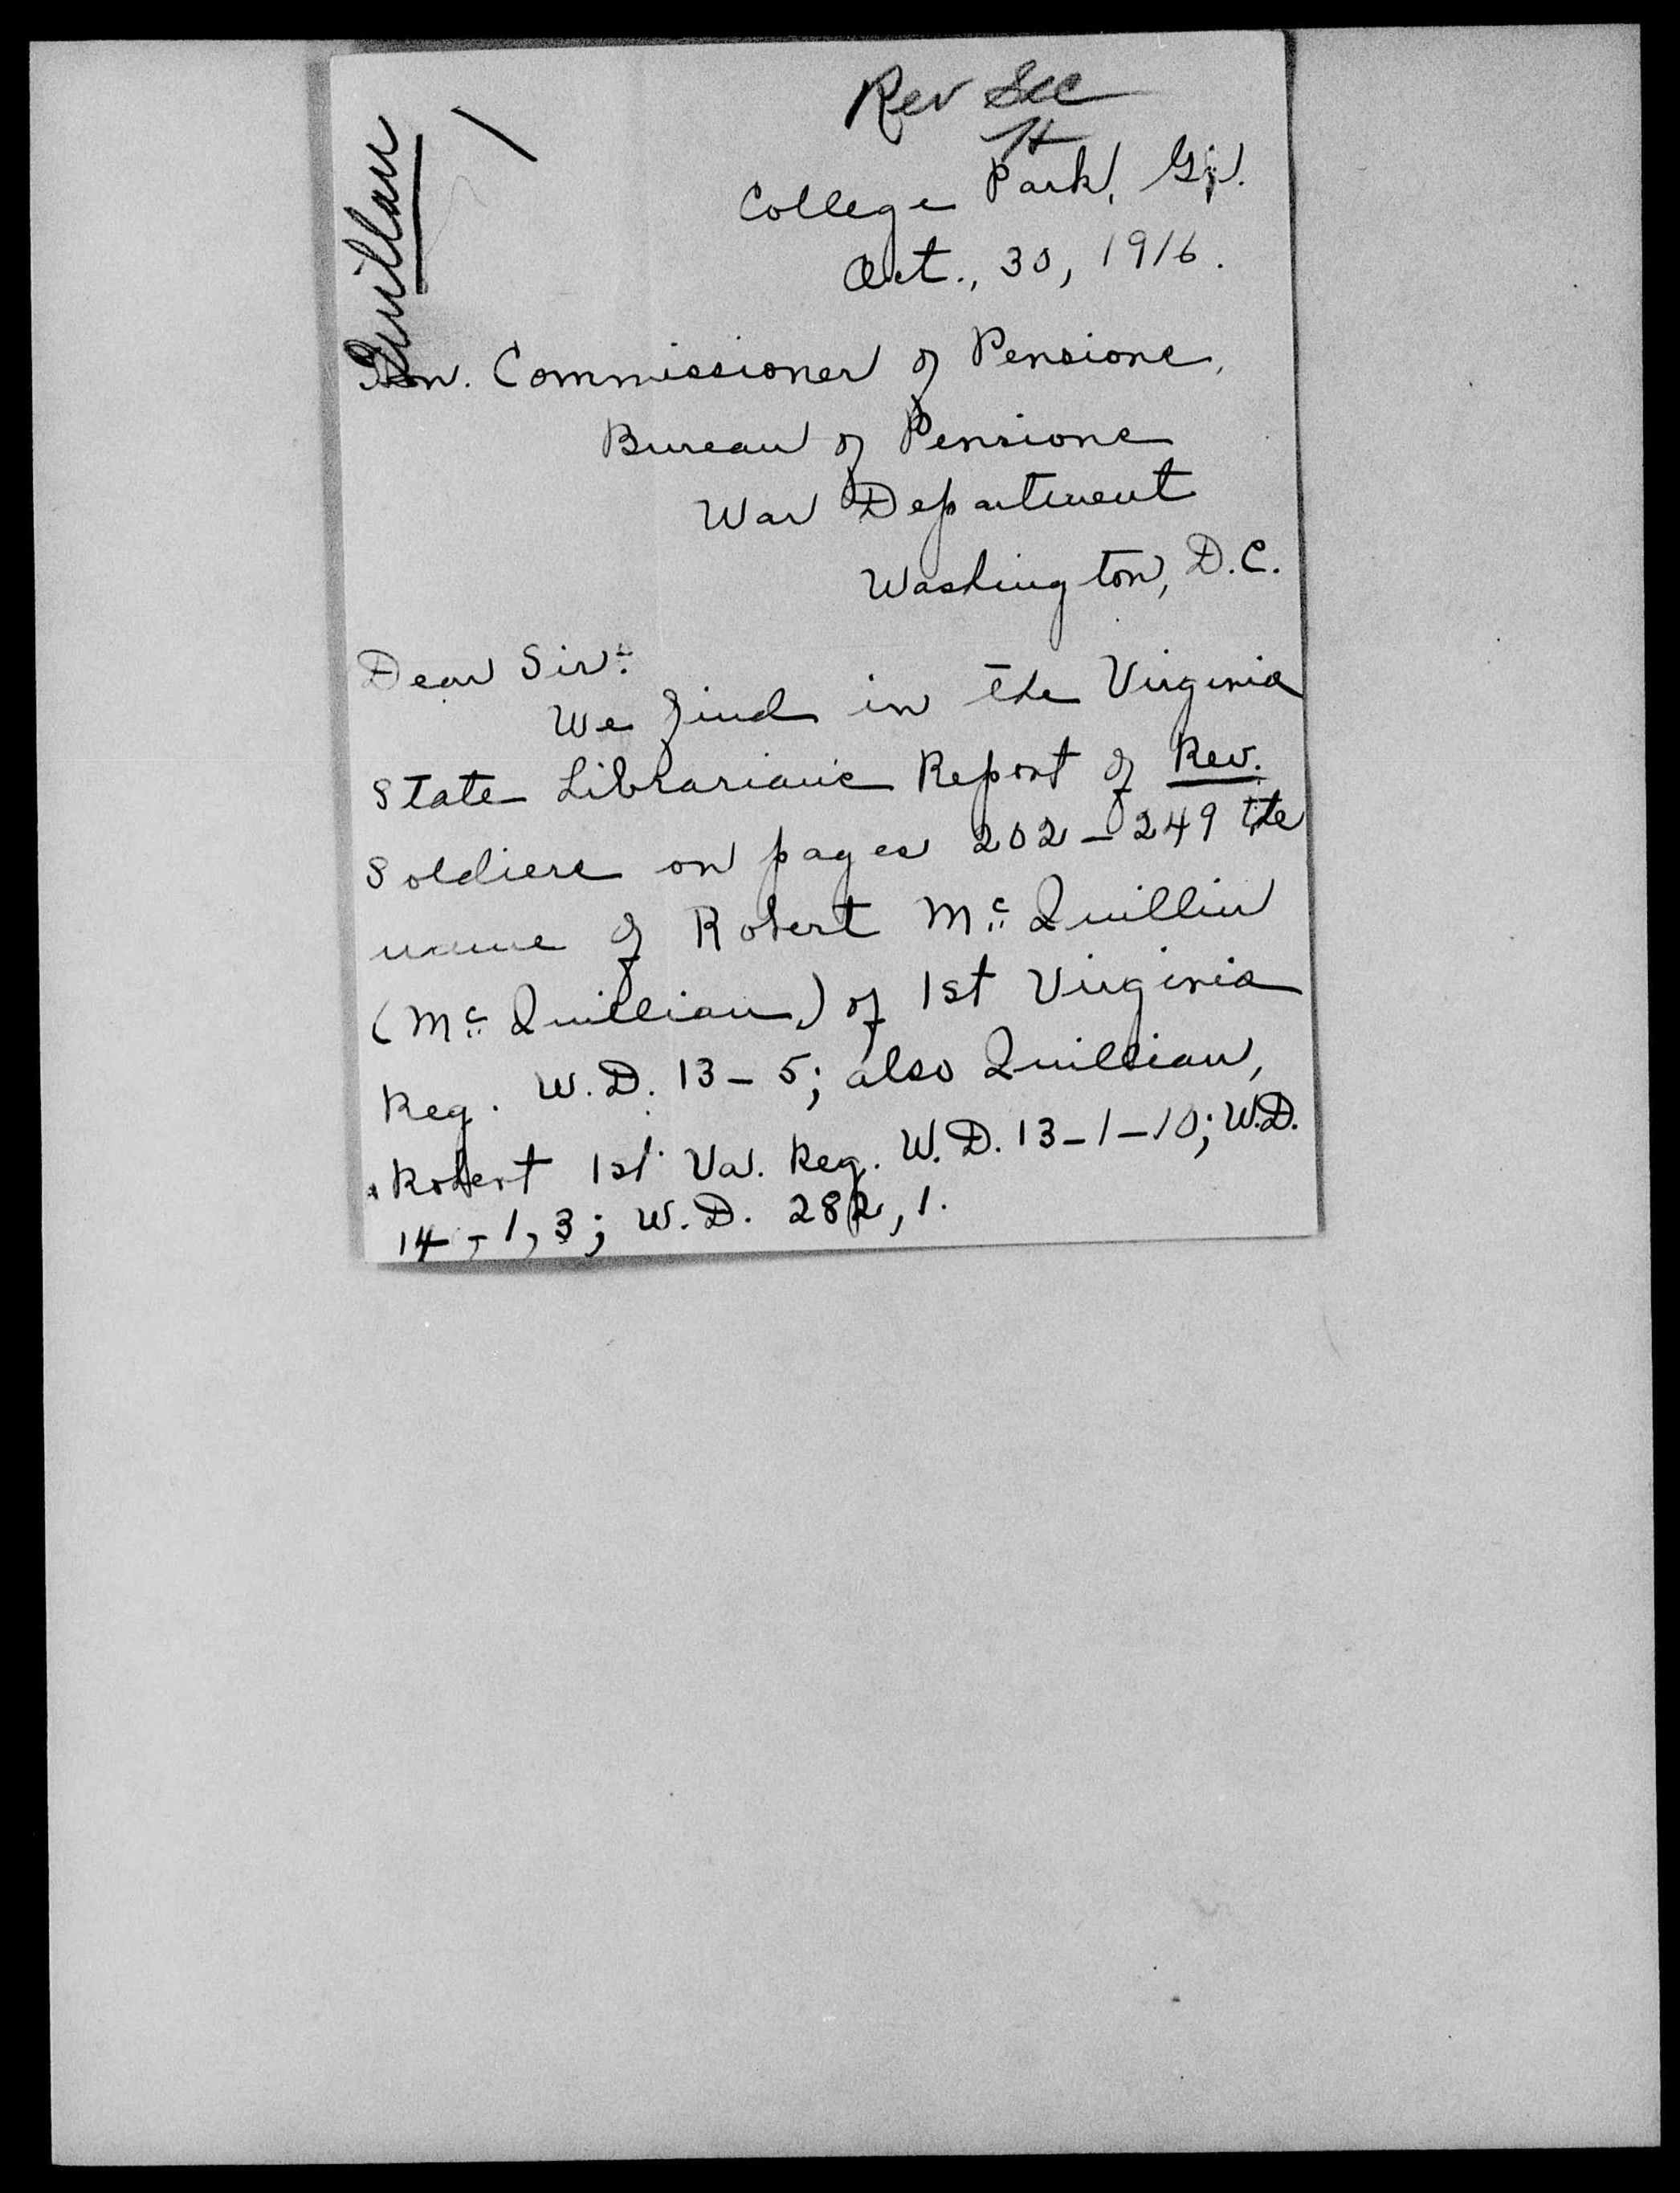Quillan
Rev Sec H

College Park, Ga.
Oct., 30, 1916

Hon. Commissioner of Pensions
Bureau of Pensions
War Department
Washington, D.C. 

Dear Sir.

We find in the Virginia State Librarian Report of Rev. Soldiers on pages 202-249 the name of Robert McQuillin (McQuillian) of 1st Virginia Reg. W.D. 13-5; also Quillian, Robert 1st Va. Reg. W.D. 13-1-10; W.D. 14-1-3; W.D. 282, 1.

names: Robert Mc Quillin; Robert Mc Quillian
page: 2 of 12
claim: bounty land warrant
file: B. L. Wt. 392-100, for Robert Quillin, Virginia